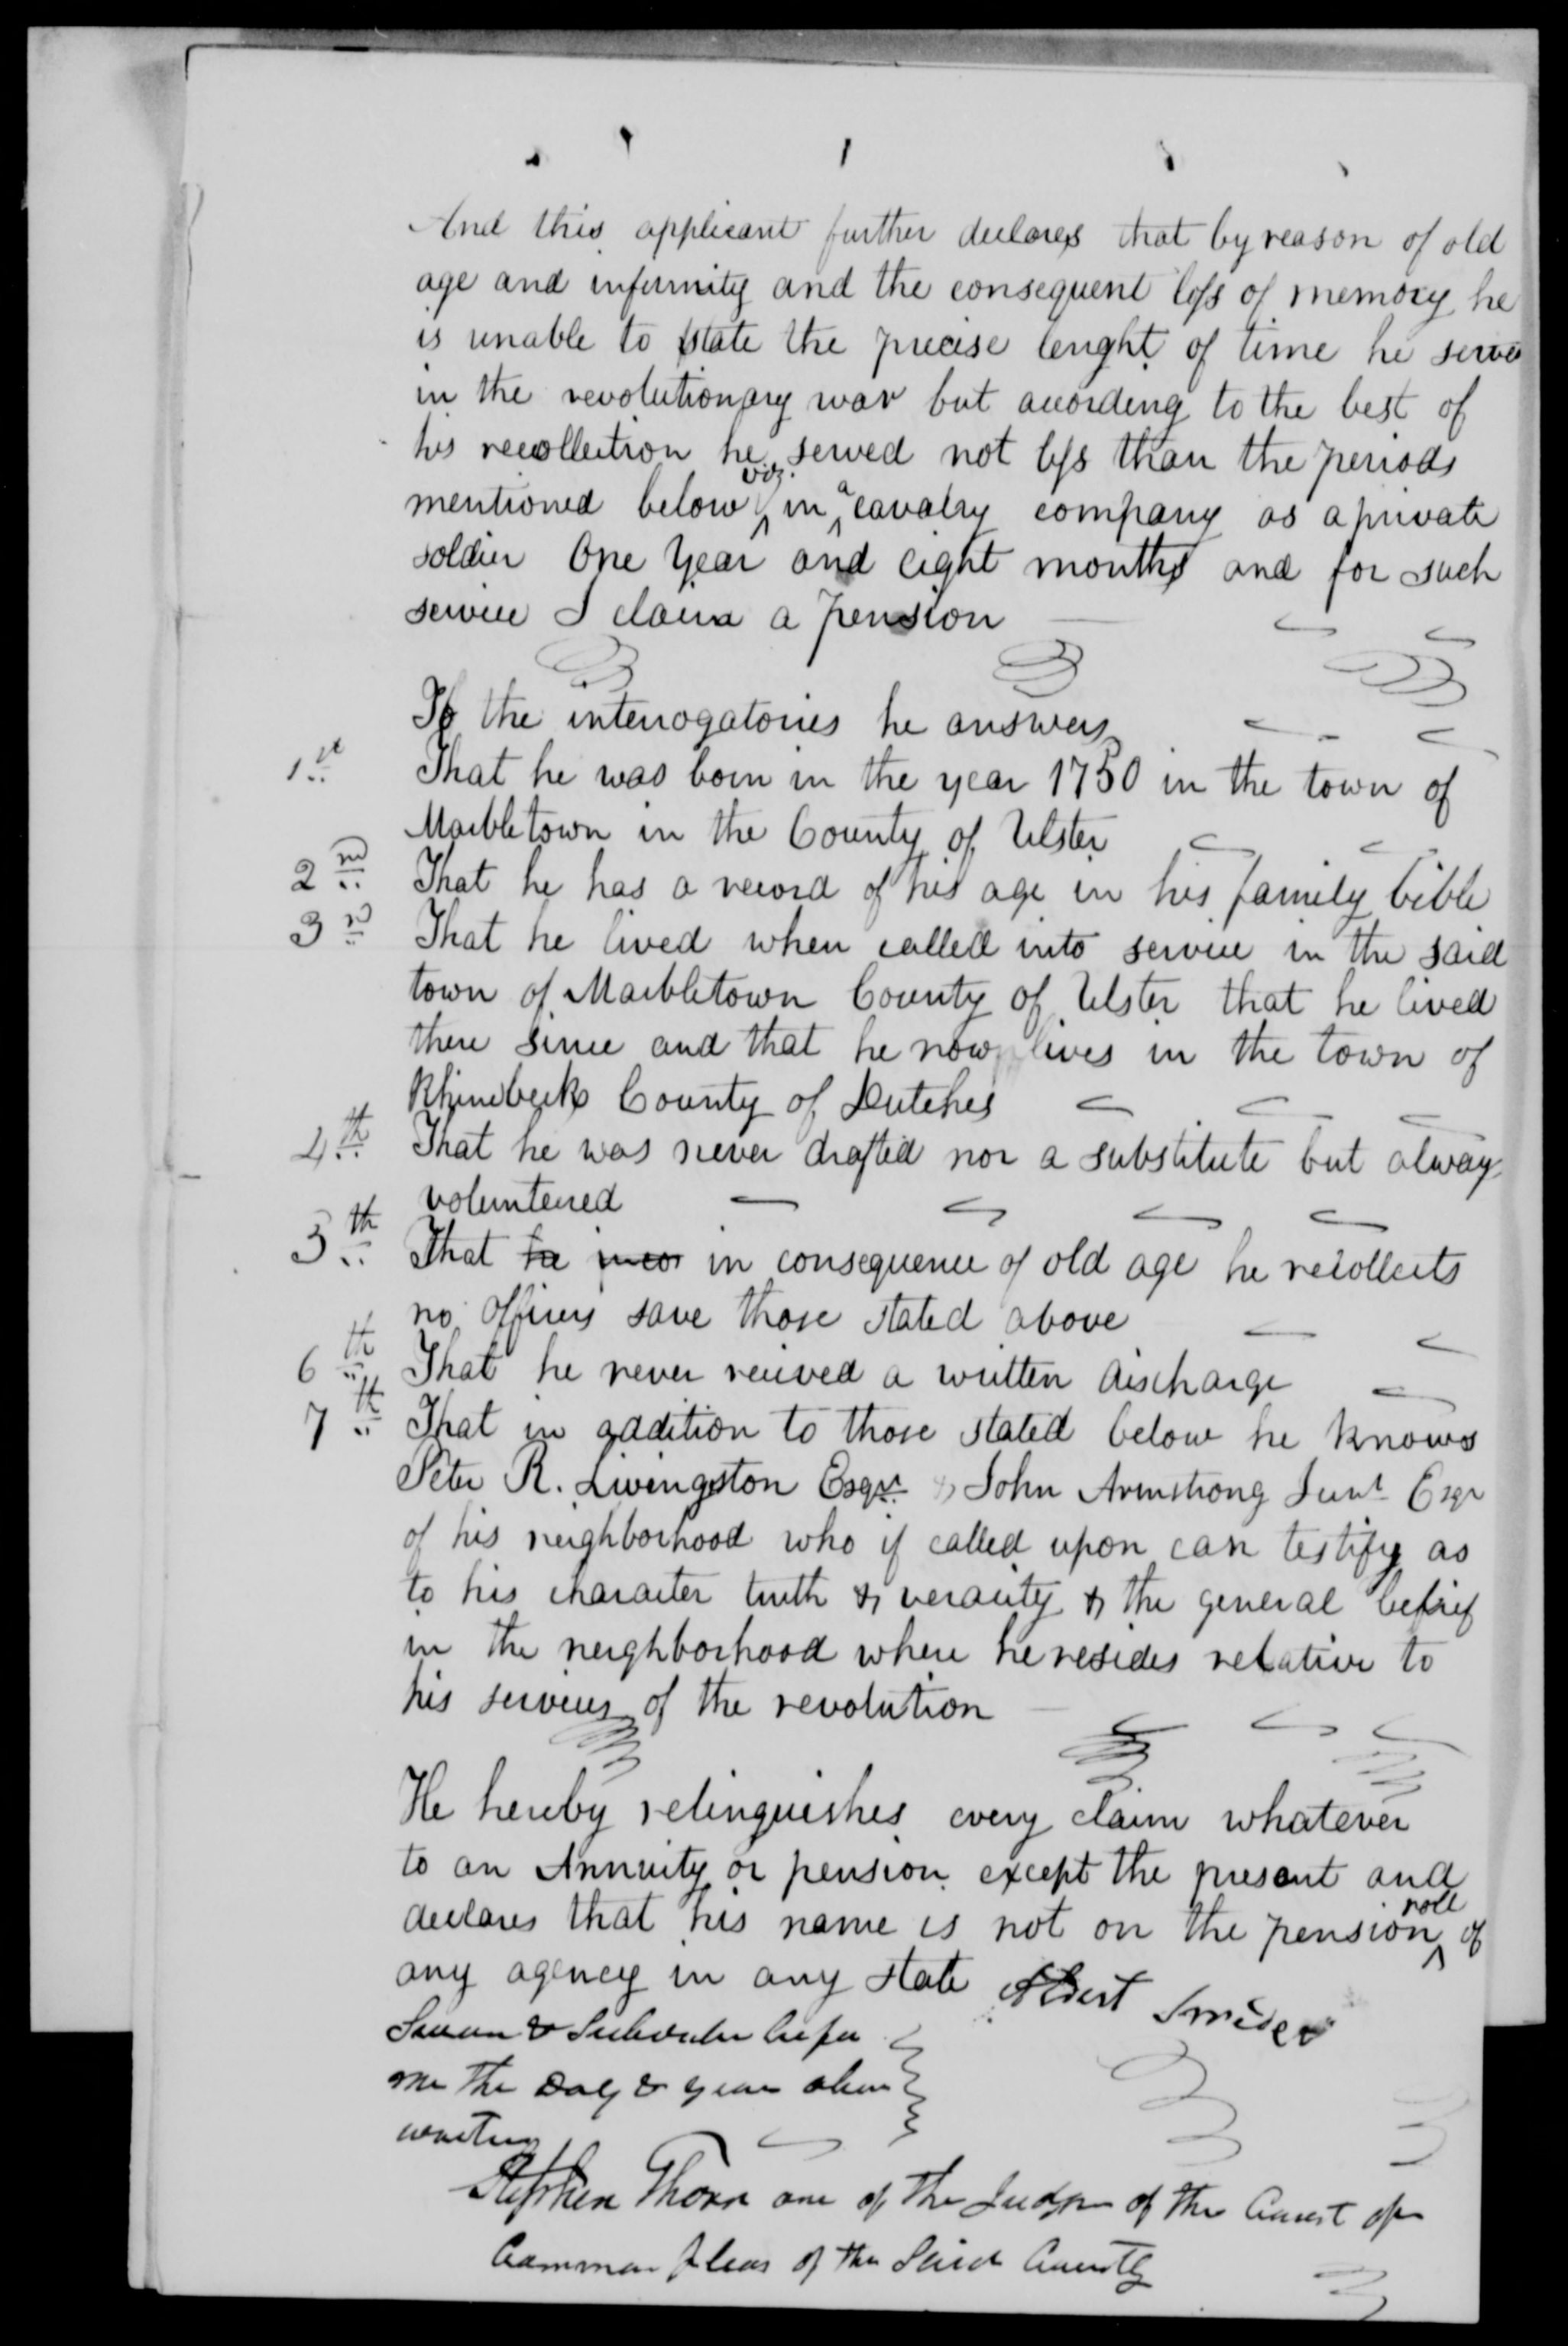And this applicant further declares that by reason of old age and infirmity and the consequent loss of memory he is unable to state the precise lenght [length] of time he served in the revolutionary war but according to the best of his recollection he served not less than the periods mentioned below viz. in a cavalry company as a private soldier One year and eight months and for such service I claim a pension--

To the interrogatories he answers
1st  That he was born in th eyear 1750 in the town of Marbletown in the Count of Ulster
2nd That he has a record of his age in his family bible
3rd That he lived when called into service in the said town of Marbletown County of Ulster that he lived there since and that he now lives in the town of Rhinebeck County of Dutches [Dutchess]
4th That he was never drafted nor a substitute but always volunteered
5th  That [struck out:  he incor] in consequence of old age he recollects no officers save those stated above.
6th  That he never recived [received] a written discharge
7th  that in addition to those stated below he knows Peter R. Livingston Esqr. & John Armstrong Just. [Justice] Esqr. of his neighborhood who if called upon can testify as to his character truth & veracity & the general belief in the neighborhood where he resides relative to his services of the revolution--

He hereby relinquishes every claim whatever to an Annuity of pension except the present and declares that his name is not on the pension roll of any agency in any state

Aldert Smedes

Sworn & Subscribed before me the Day & year above written
Stephen Thorn am of the Judges of the Court of Common Pleas of the Said County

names: Albert Smedes; Peter R Livingston; Stephen Thorn; John Armstrong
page: 6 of 29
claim: survivor's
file: S. 11415, for Aldert Smedes, New York